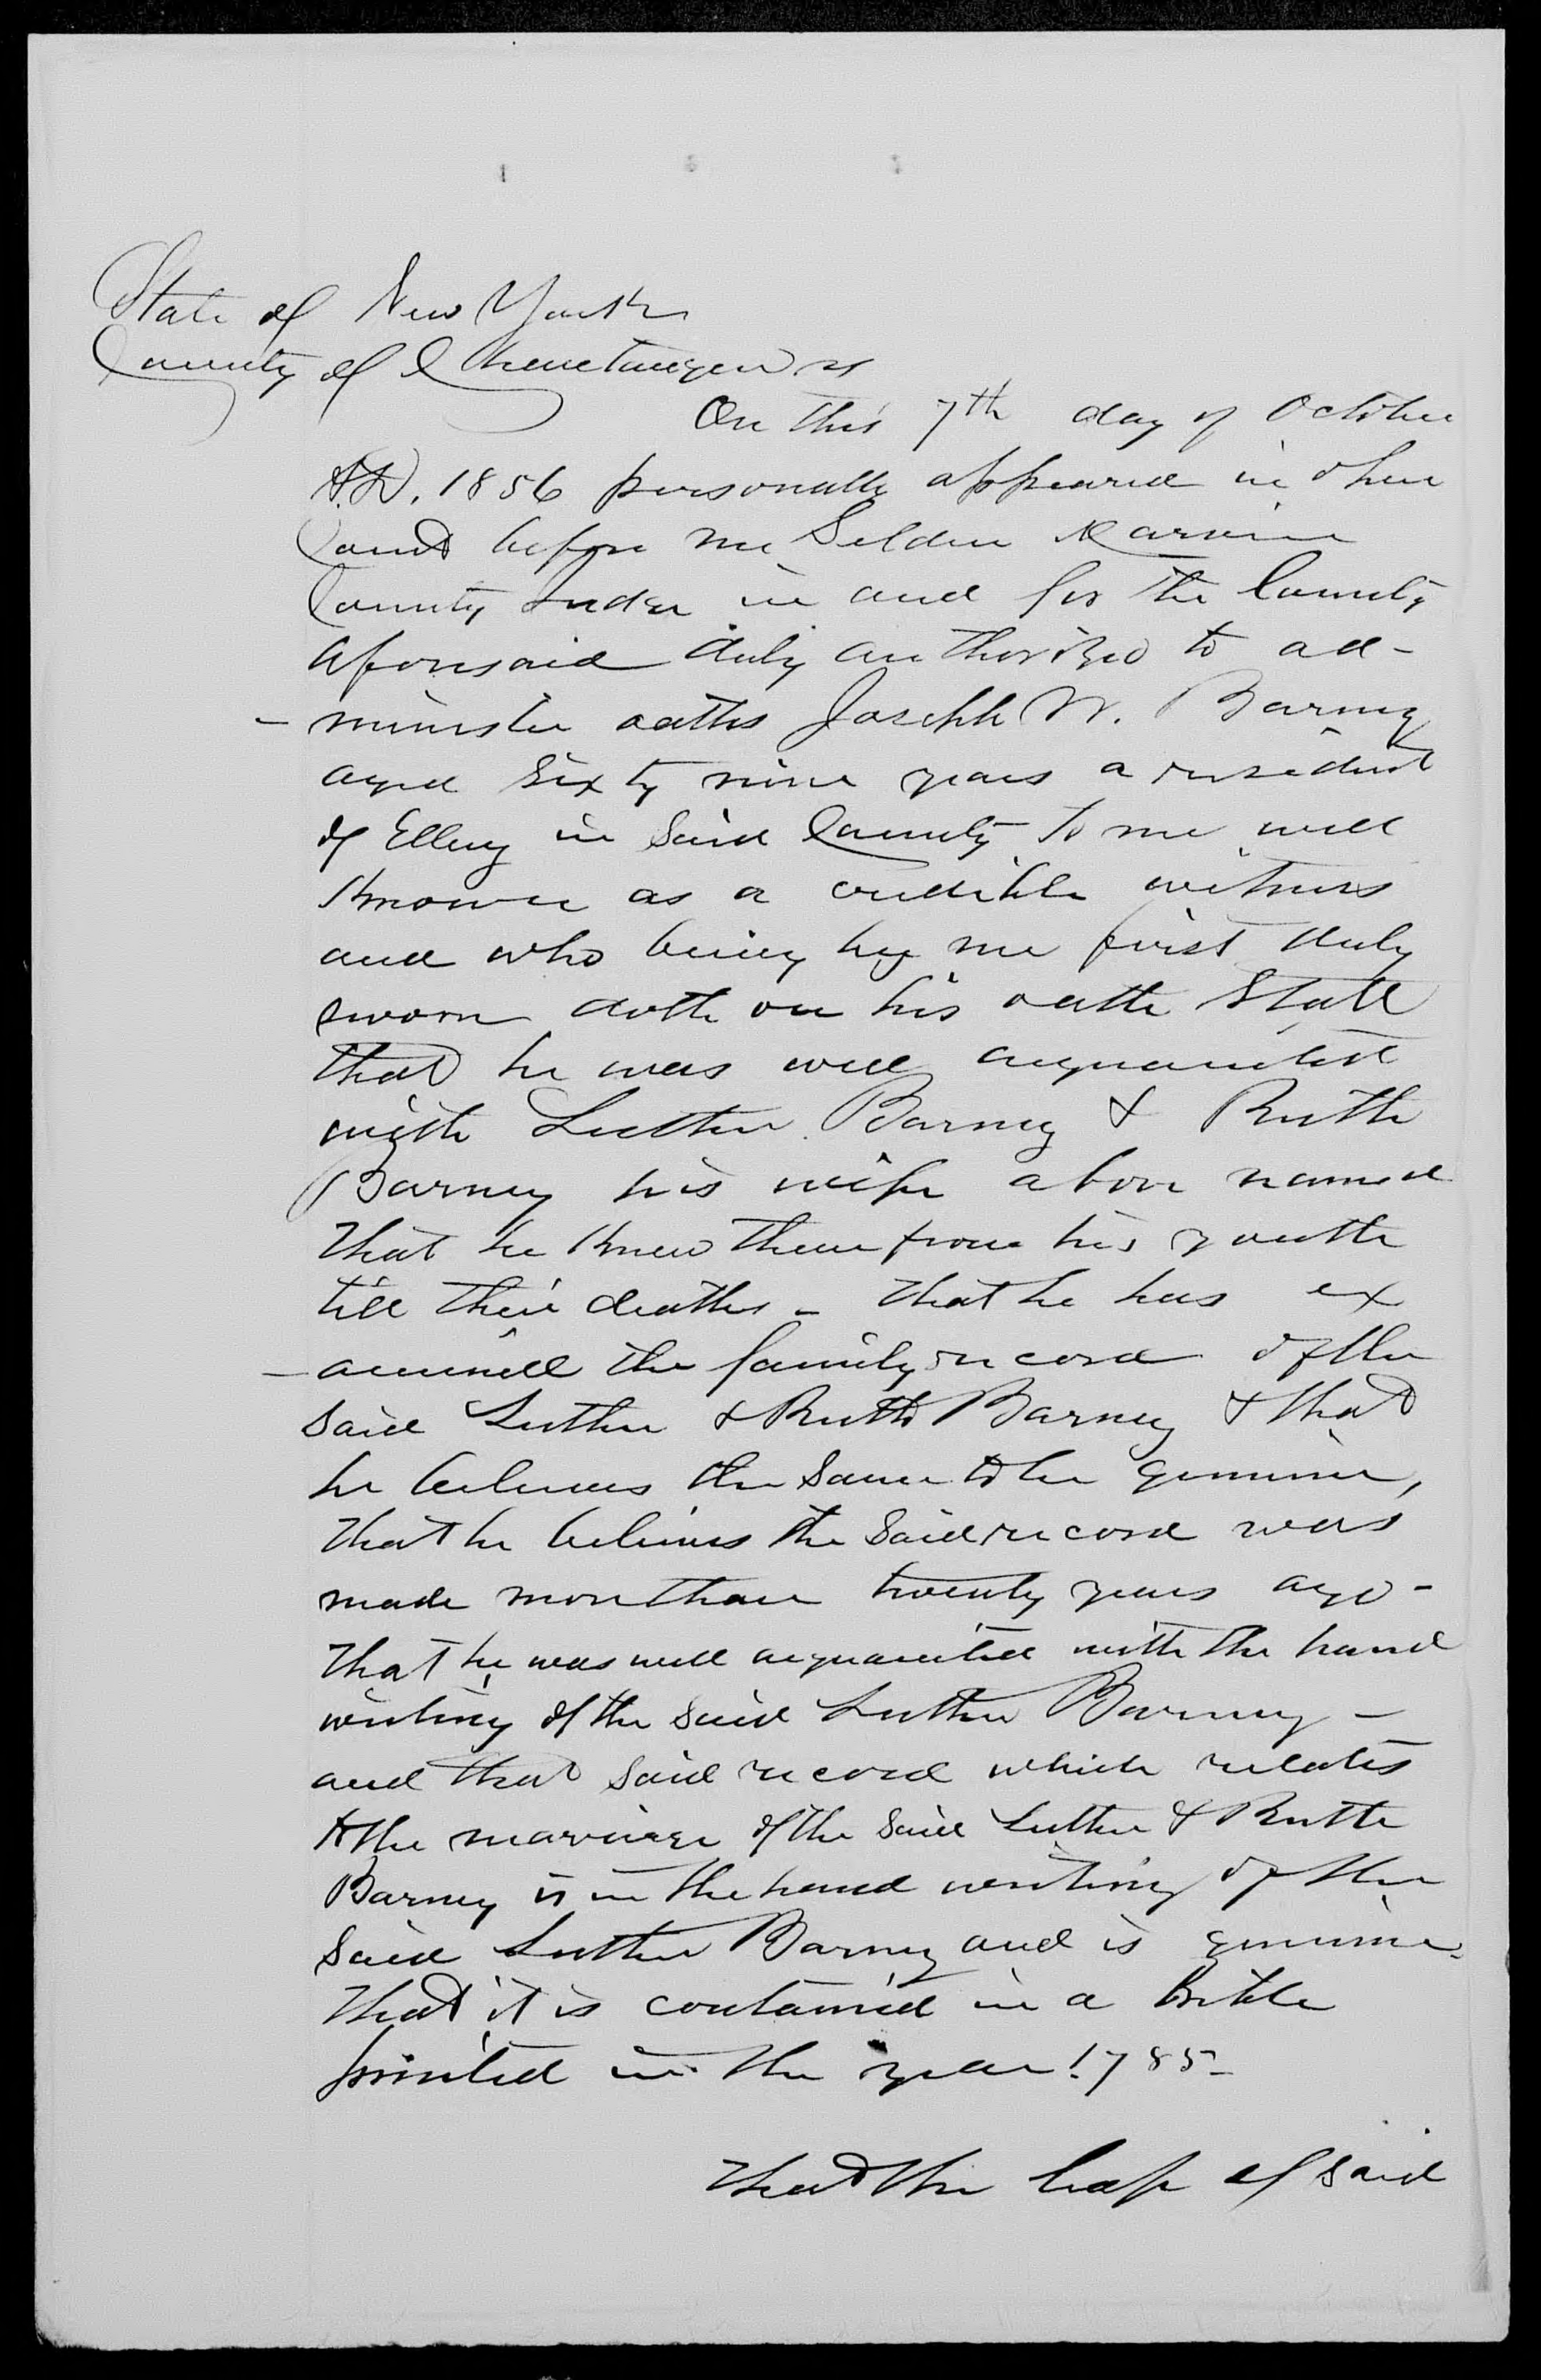State of New Yord
County of Chautauqua
On this 7th day of October A.D. 1856 personally appeared in this Court before me Selden Marvin County Judge in and for the County aforesaid duly authorized to administer oaths Joseph W. Barney aged Sixty nine years a resident of Elling in said County to me well known as a credible witness and who being by me first duly
Sworn doth on his oath state that he was well acquanted with Luther Barney & Ruth Barney his wife above named that he knew them from his youth till their deaths - that he has examined the family record of the said Luther & Ruth Barney & that he believes the same to be genuine, that he believes the said record was made more than twenty years ago - that he was well acquainted with the hand writing of the said Luther Barney - and that said record which relates to the marriage of the said Luther & Ruth Barney is in the hand writing of the
said Luther Barney and is genuine, that it is contained in a Bible printed in the year 1785 - 
that the leaf of said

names: Luther Barney, Luther Barney, Ruth Barney, Luther Barney, Ruth Barney, Luther Barney, Joseph W Barney, Luther Barney, Ruth Barney, Selden Marvin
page: 26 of 61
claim: widow's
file: W. 4.124, Luther Barney, Conn. Privateer.